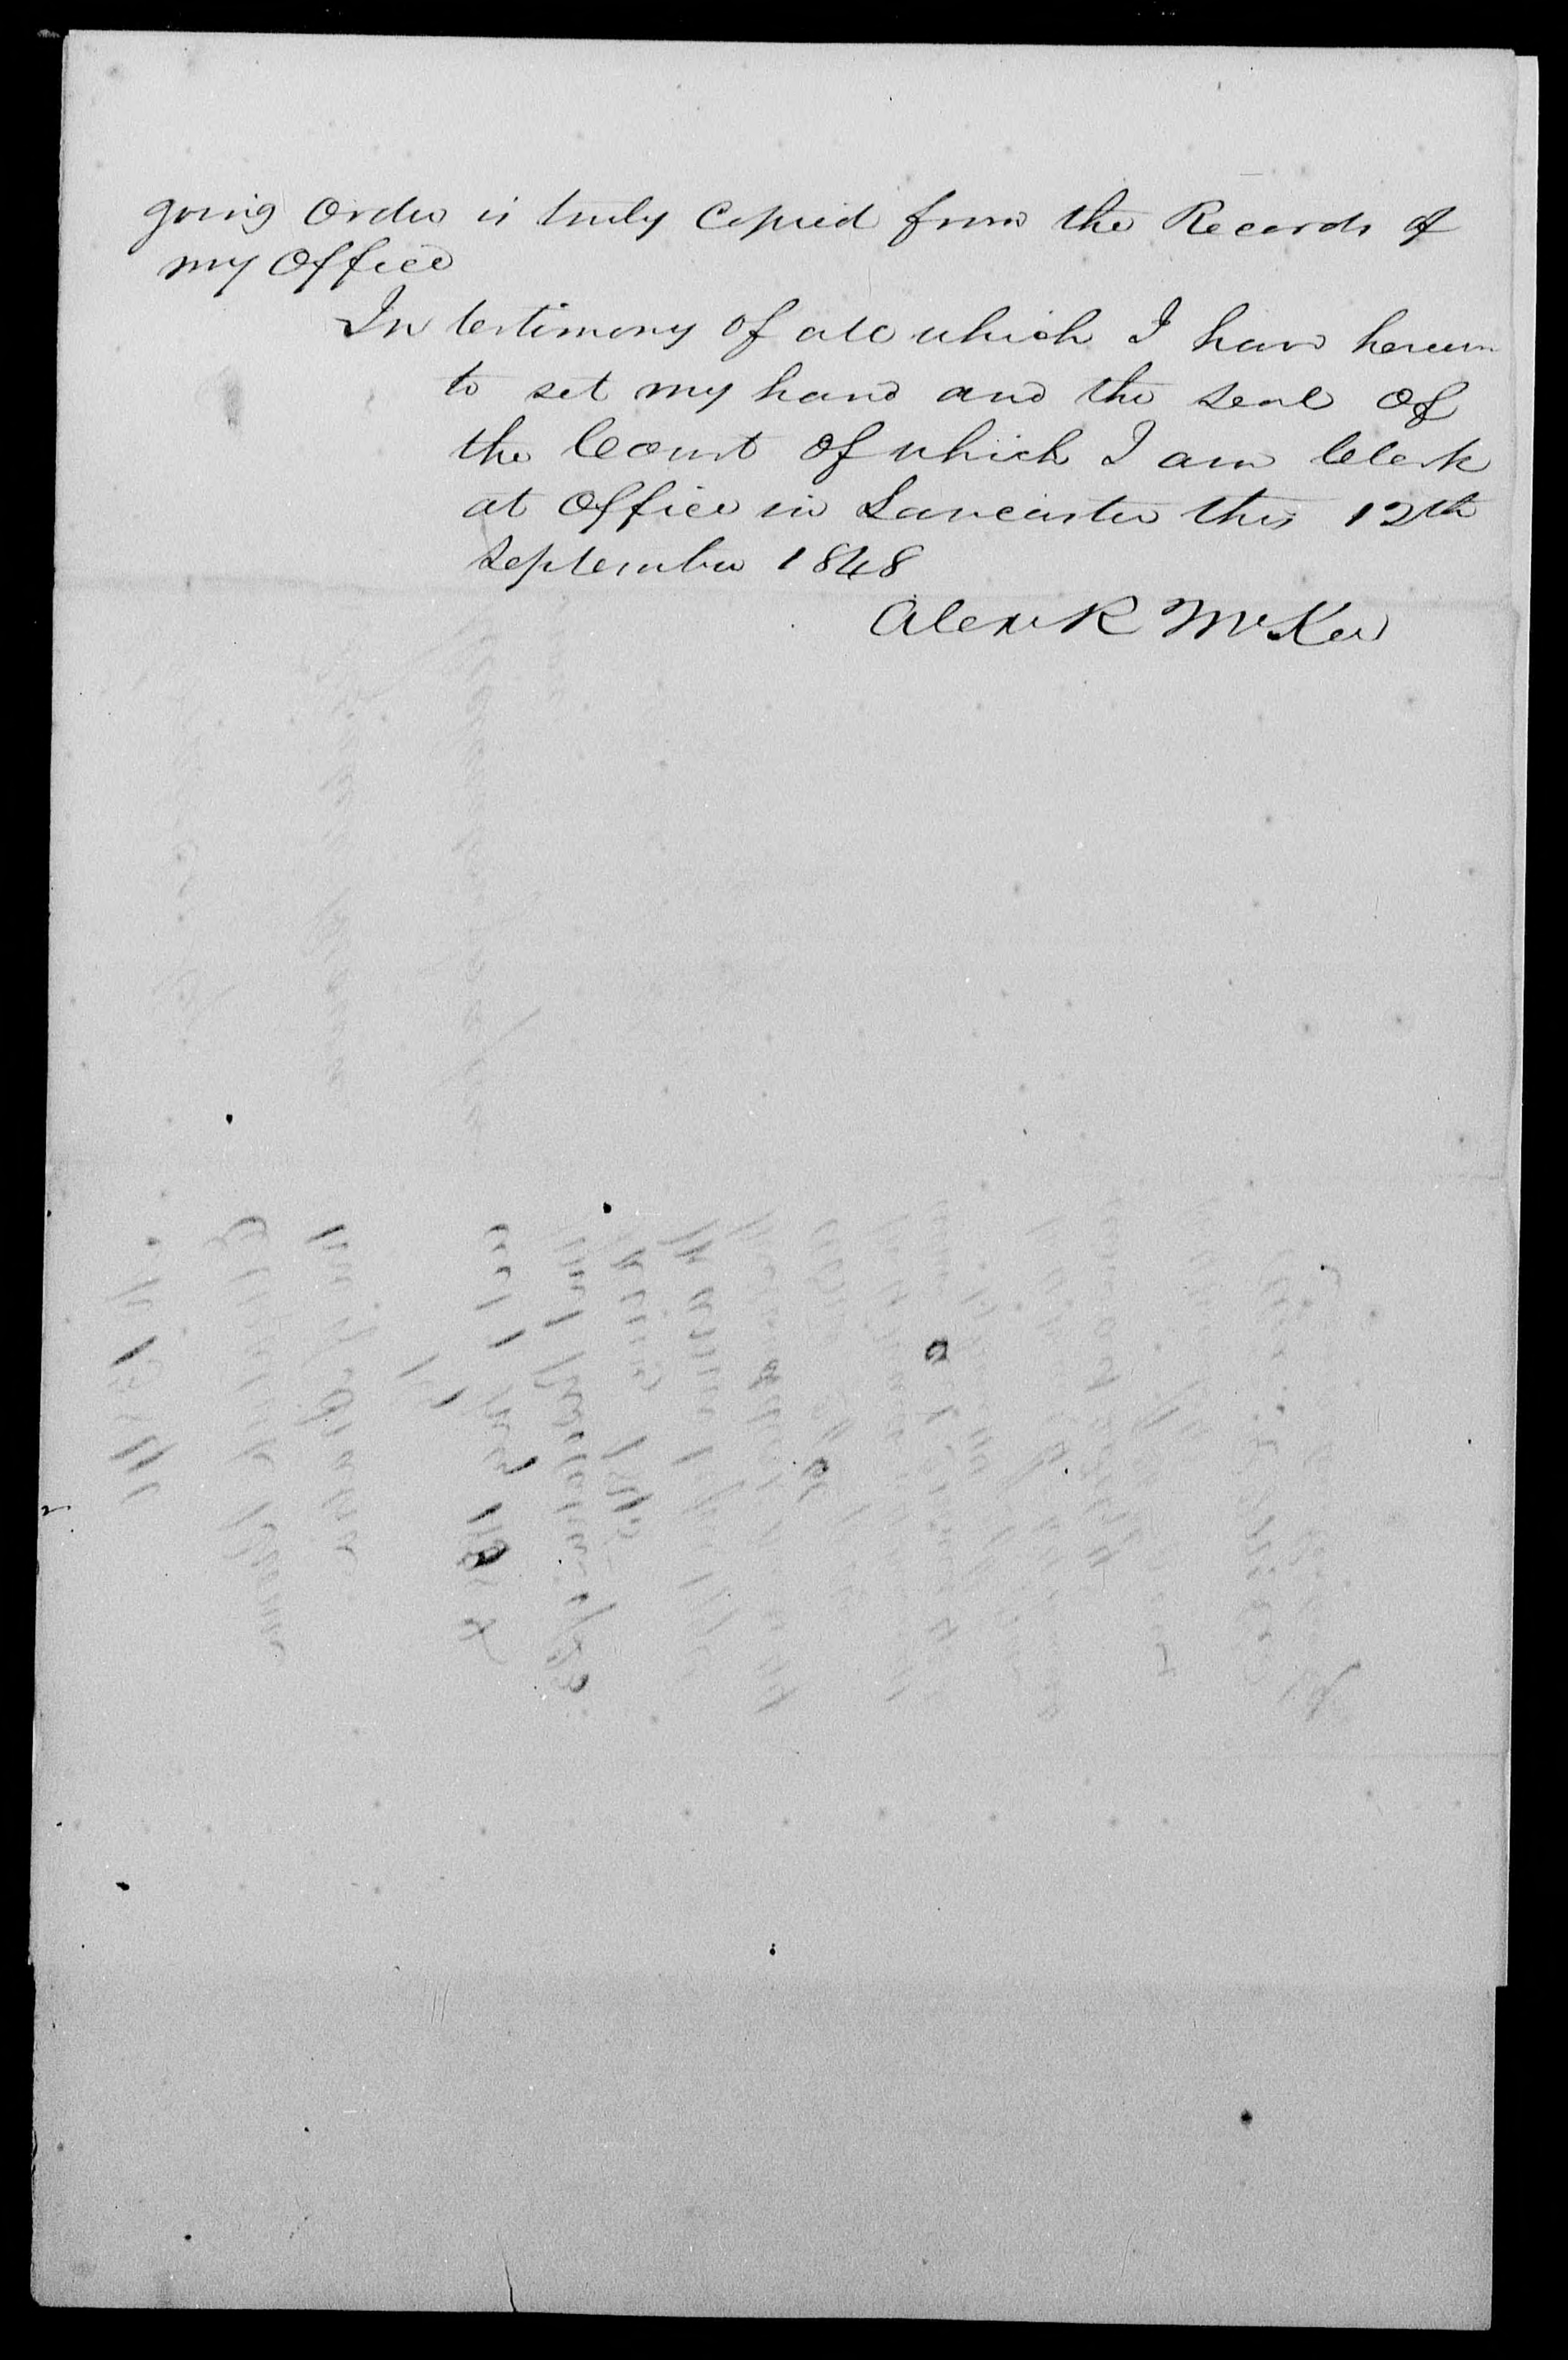going order is truly copied from the Records of
my Office
In testimony of all which I have heren
to set my hand and the seal of
the Court of which I am clerk
at Office in Lancaster this 12th
September 1848
Alex McKee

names: Alexr R Mc Kee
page: 62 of 65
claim: widow's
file: W. 8384, Arabia Brown, Va.